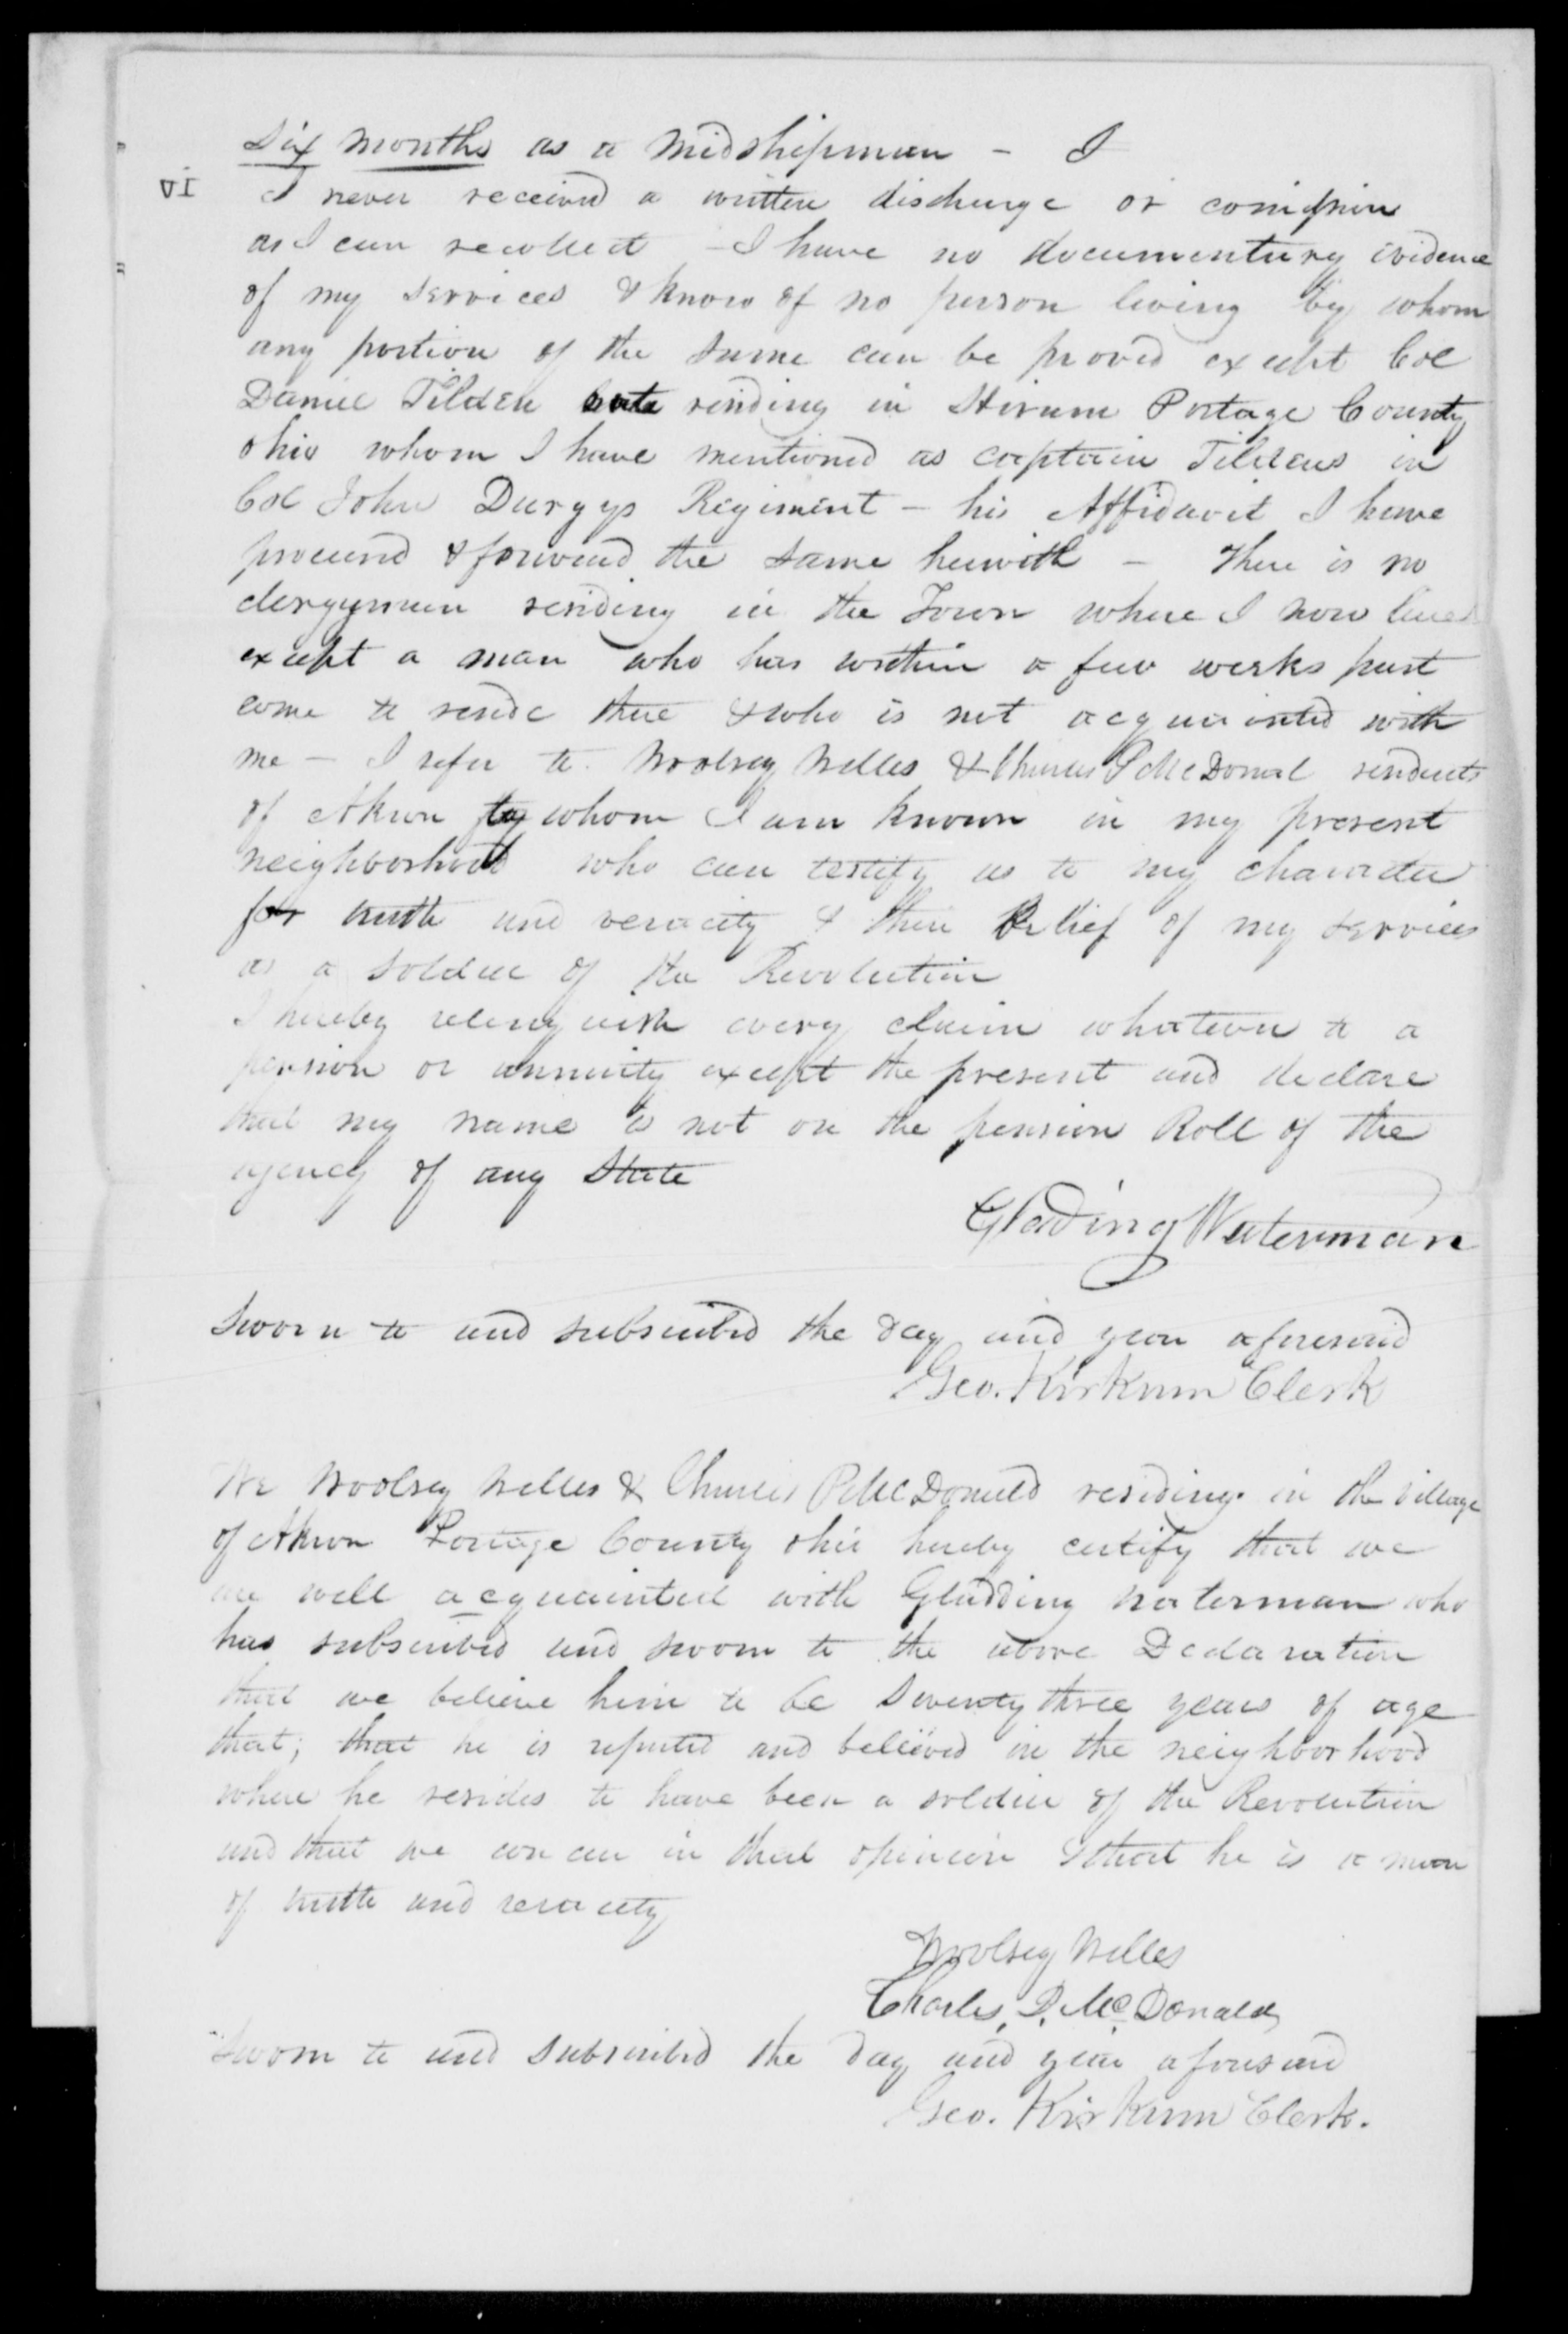Six months as a midshipman - I
VI.     I never received a written discharge or comissin as I can recollect. I have no documentary evidence of my services & know of no person living by whom any portion of the same can be proved, except Col Daniel Tilden [illegible] residing in Hiram, Portage County Ohio, whom I have mentioned as Captain Tilden in Col John Durggs Regiment. His affidavit I have procured & forwarded the same herewith. There is no clergyman residing in the Town where I now live except a man who has within a few weeks past come to reside there & who is not acquainted with me. I refer to Woolsey Wells & Charles P. McDonald, residents of Akron by whom I am known in my present neighborhood, who can testify as to my character for truth and verity & their belief of my service as a soldier of the Revolution.

I hereby relinquish every claim whatever to a pension or annuity except the present and declare that my name is not on the pension Roll of the agency of any State.
Glading Waterman

Sworn to and subscribed the day and year aforesaid.
Geo. Kirkum    Clerk


We Woolsey Welles & Charles P. McDonald residing in the village of Akron, Portage County, Ohio hereby certify that we are well acquainted with Gladding Waterman, who has subscribed and sworn to the above Declaration, that we believe him to be seventy three years of age. That he is reputed and believed in the neighborhood where he resides to have been a soldier of the Revolution and that we concur in that opinion that he is a man of truth and verity.

Woolsey Welles
Charles P. McDonald

Sworn to and subscribed the day and year aforesaid.
Geo. Kirkum   Clerk.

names: Glading Waterman, Charles D Mc Donald, Geo Kirkum, Daniel Tilden, Charles P Mc Donald, Woolsey Welles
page: 7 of 50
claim: widow's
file: W. 15814, Glading Waterman, Conn. Conn. Sea Service Continental